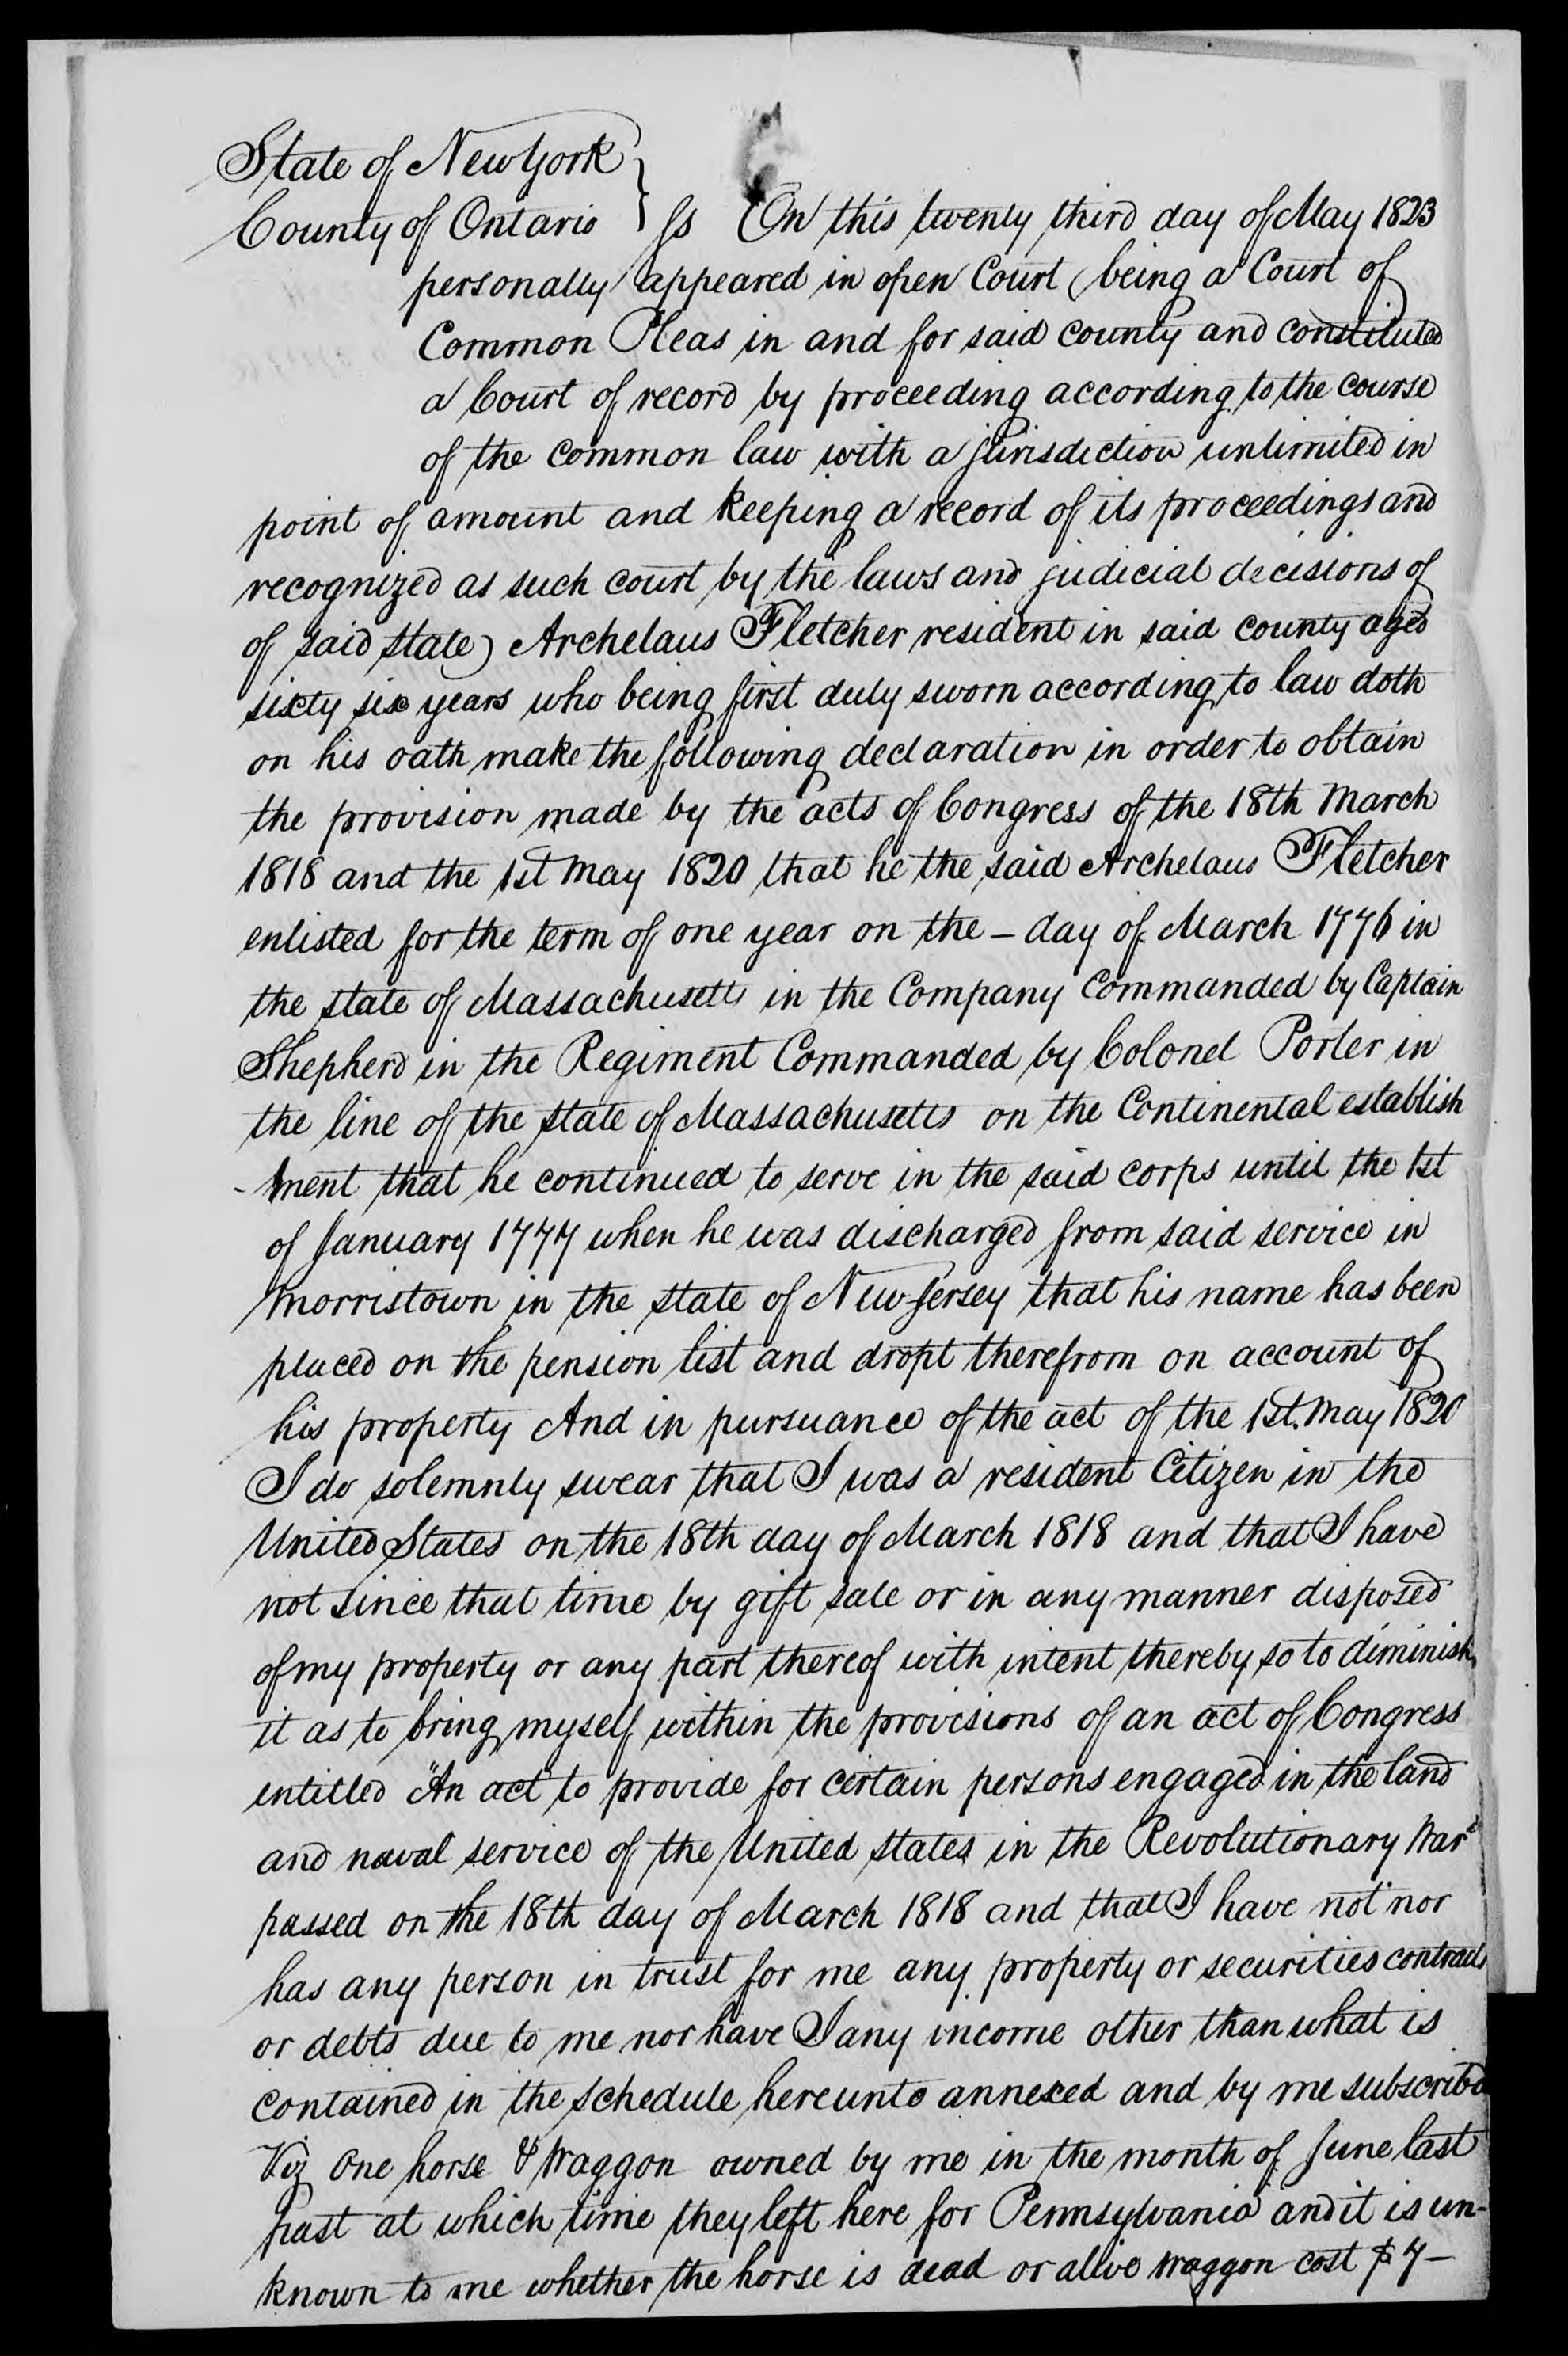State of New York, County of Ontario.
On this twenty third day of May 1823 personally appeared in open Court (being a Court of Common Pleas in and for said county and constitutes a Court of record by proceeding according to the course of the common law with a jurisdiction unlimited in point of amount and keeping a record of its proceedings and recognized as such court by the laws and judicial decisions of the said state) Archelaus Fletcher resident in said county aged sixty six years who being first duly sworn according to law doth on his oath make the following declaration in order to obtain the provision made by the acts of Congress of the 18th March 1818 and the 1st May 1820 that he the said Archelaus Fletcher enlisted for the term  of one year on the _ day of March 1776 in the state of Massachusetts on the Continental establishment that he continued to serve in the said corps until the 1st of January 1777 when he was discharged from said service in Morristown in the state of New Jersey that his name has been places on the pension list and dropt [dropped] therefrom on account of his property And in pursuance of the act of the 1st May 1820 I do solemnly swear that I was a resident Citizen in the UNited States on teh 18th day of March 1818 and that I have not since that time by sale sale of in any manner disposed of my property or any part thereof with intent thereby so to diminish it as to bring myself within the provisions of an act of Congress entitled "An act to provide for certain persons engaged in the land and naval service of the United States in the Revolutionary War pass on the a8th day of MArch 1818 and that I have not nor has anyt person in trust for me any property or securities contracts or debts due to me nor have I any income other than what is contained in the schedule hereunto annexed and by me subscribed (illegible) one horse (illegible) Waggon owned by me in the month of June last (illegible) at which time they left here for Pennsylvania and it is unknown to me whether the horse is dead or alive waggon cost $7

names: Archelaus Fletcher, Porter, Shepherd, Archelaus Fletcher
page: 8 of 18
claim: survivor's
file: S. 44822, Archelaus Fletcher, Mass.